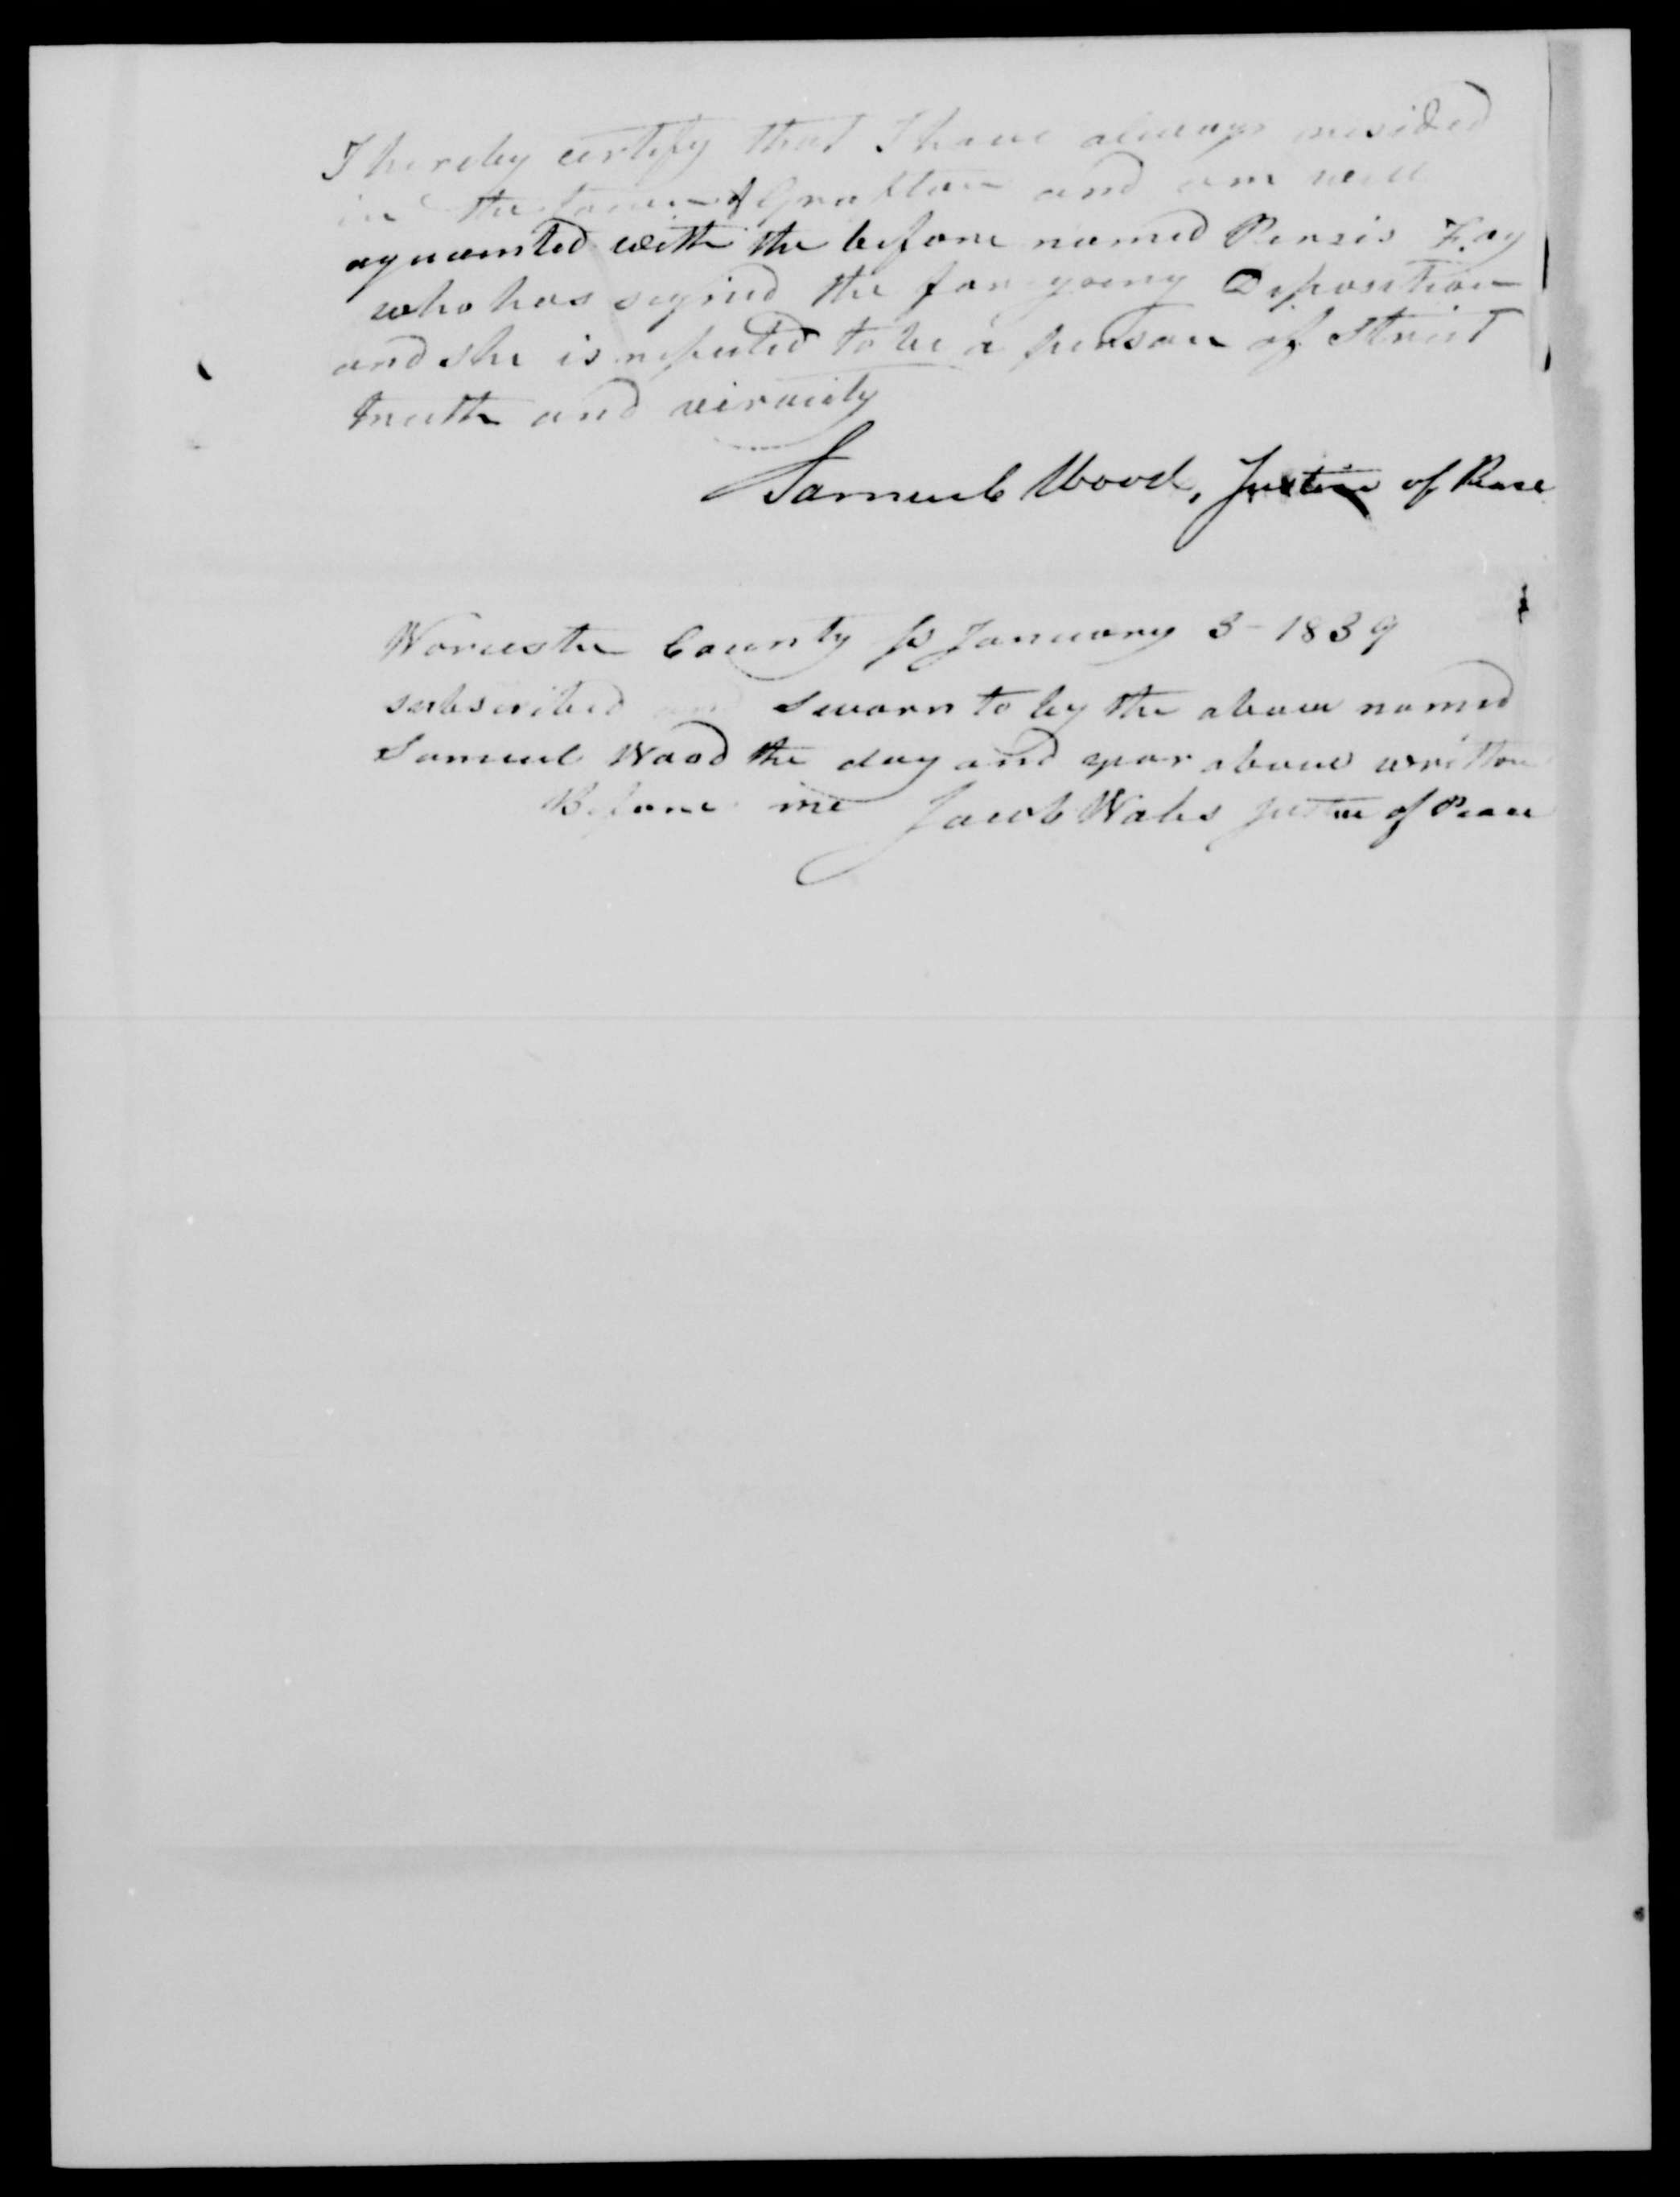I hereby certify that I have always resided in the town of Grafton and am well acquainted with the before named Persis Fay who has signed the forgoing deposition and she is reputed to be a person of strict truth and viracity.
Samuell Wood, Justice of the Peace

Worcester County SS January 3,1839
subscribed and sworn to by the above named Samuel Wood the day and year above written before me
Jacob Wales Justice of Peace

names: Jacob Wales; Samuel Wood; Samuel Wood; Rensis Fay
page: 14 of 24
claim: widow's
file: W. 15,338, for William Sibley, Massachusetts